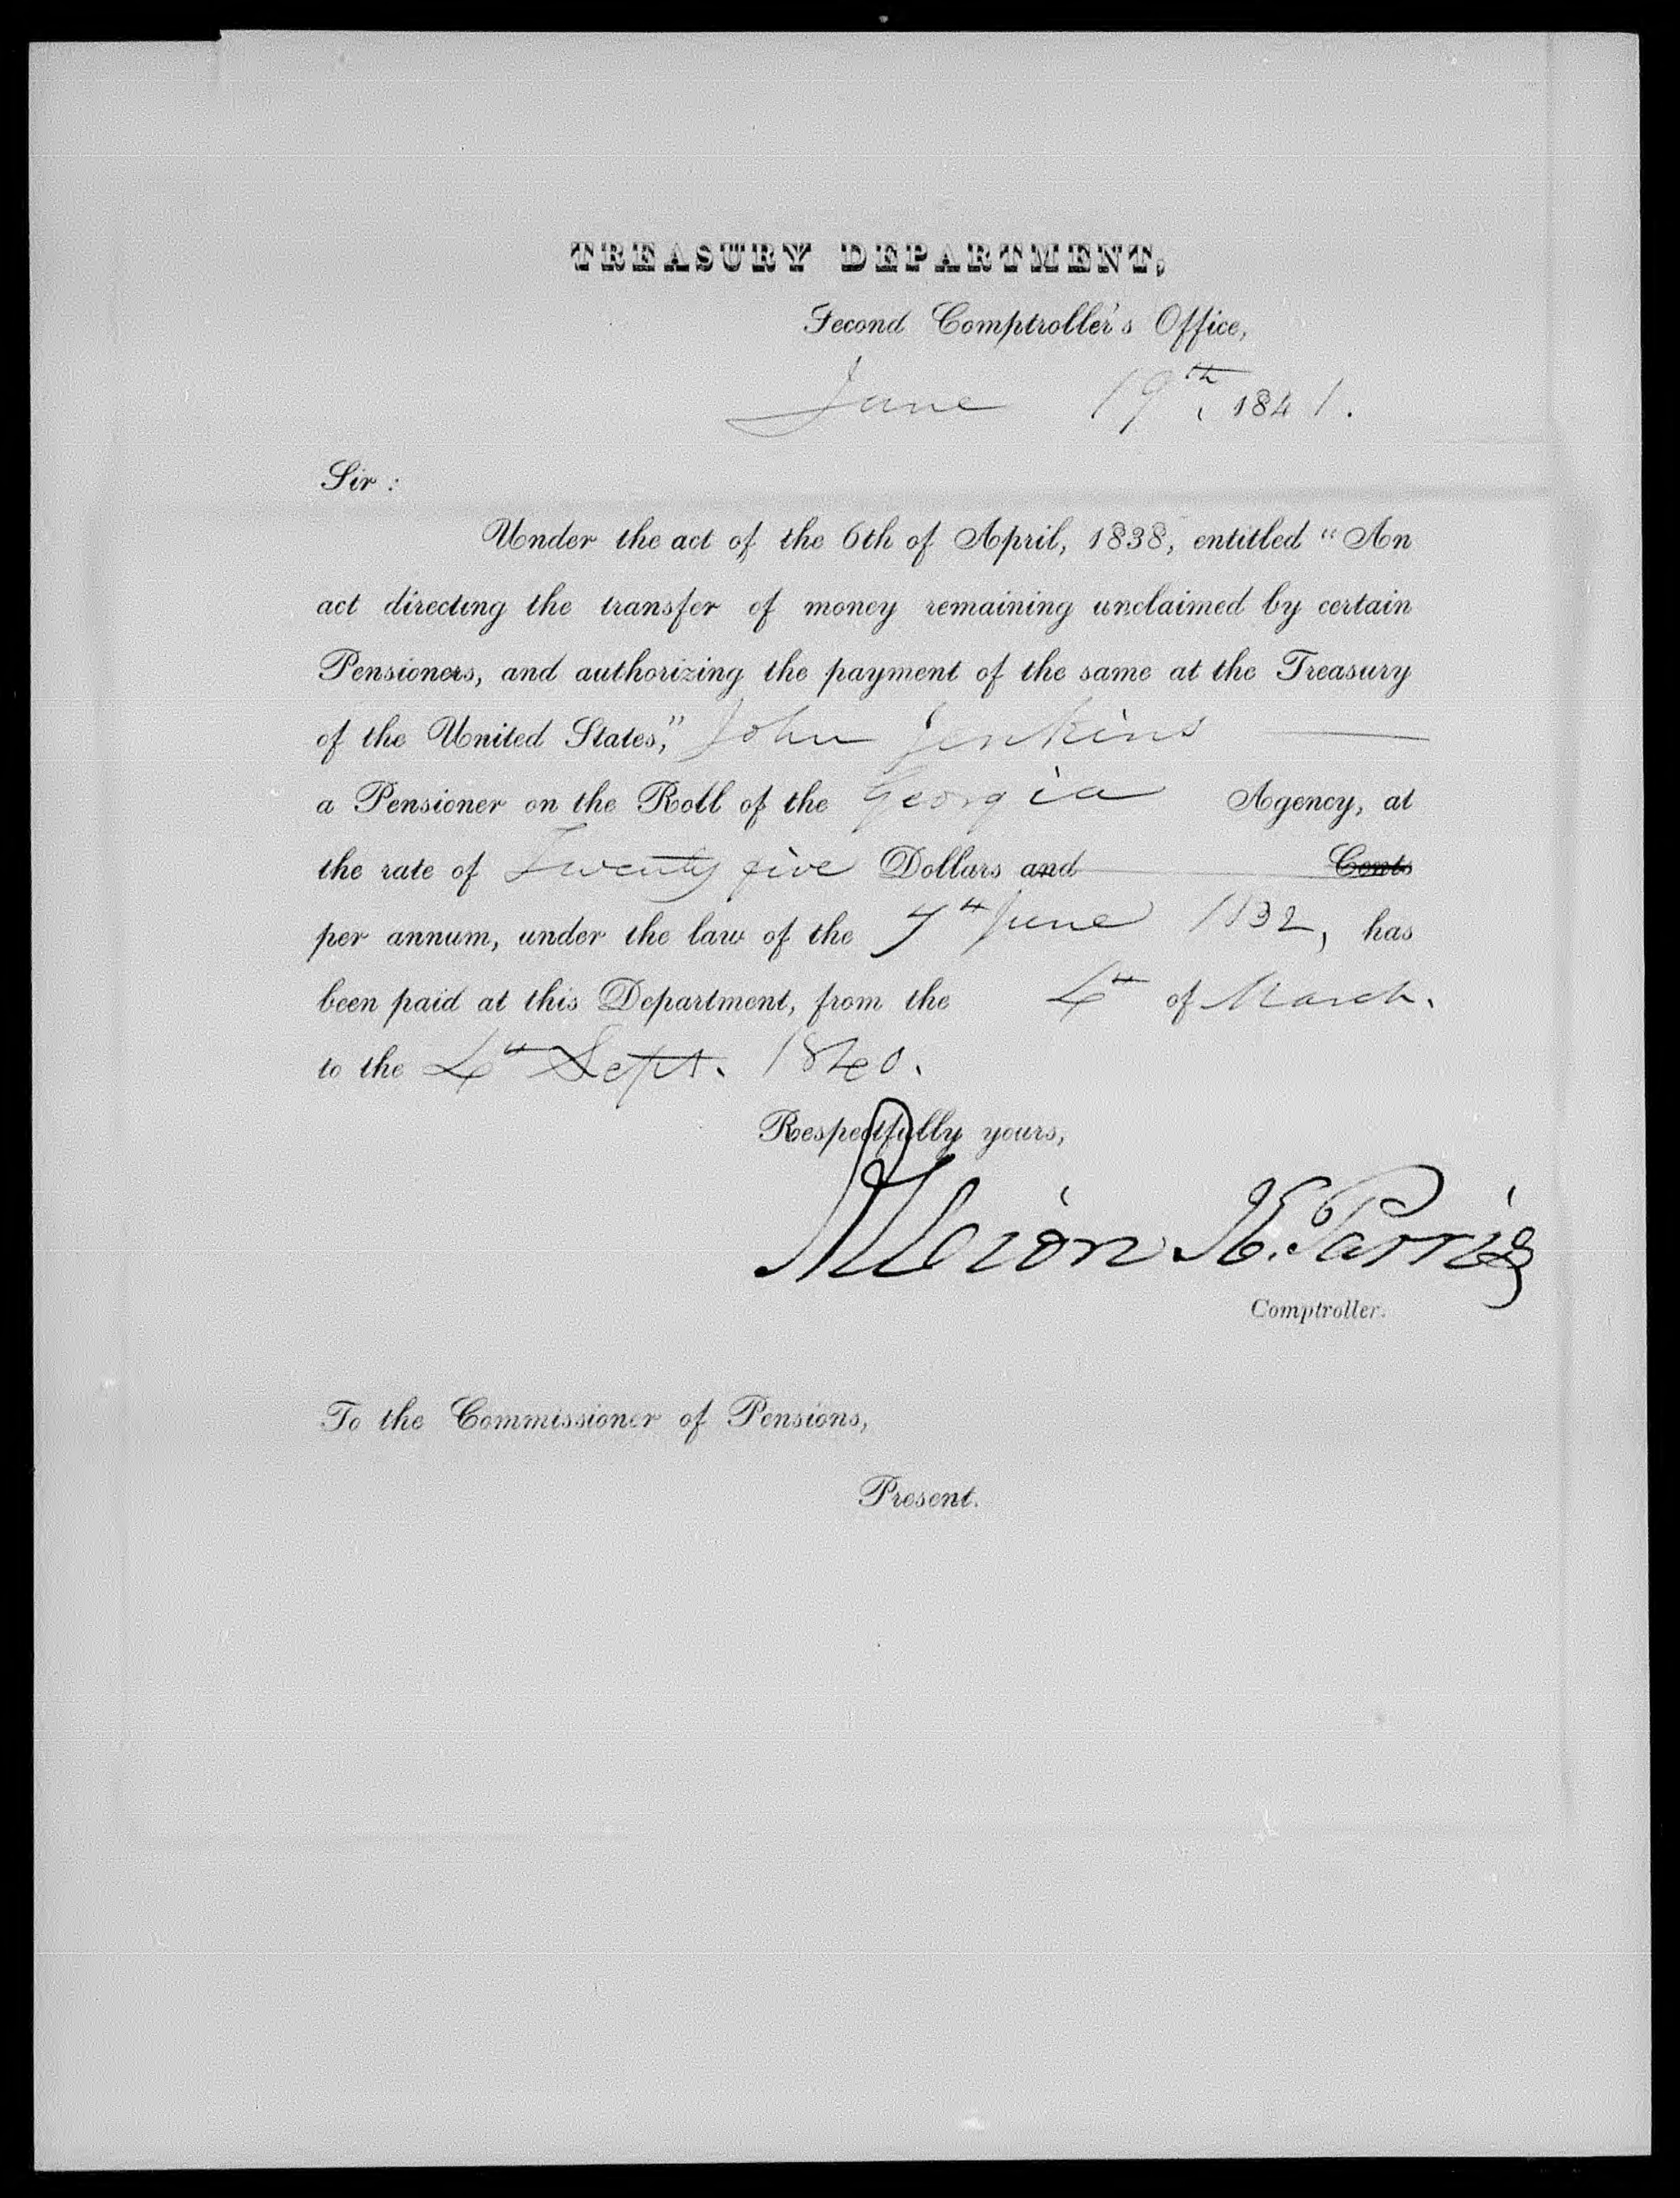[printed form with handwritten answers]
TREASURY DEPARTMENT,
Second Comptroller's Office
June 19th, 1841.
Sir:
Under the act of the 6th of April, 1838, entitled "An act directing the transfer of money remaining unclaimed by certain Pensioners, and authorizing the payment of the same at the Treasury of the United States, John Jenkins
a Pensioner on the Roll of the Georgia Agency, at
the rate of twenty five Dollars and Cents
per annum, under the law of the 7th June 1832, has been paid at this Department, from the
to the 4th of March to the 4th Sept. 1840.
Respectfully yours,
Albion K. Parris
Comptroller.
To the Commissioner of Pensions
Present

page: 49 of 55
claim: widow's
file: W. 7894, for John Jenkins, Virginia